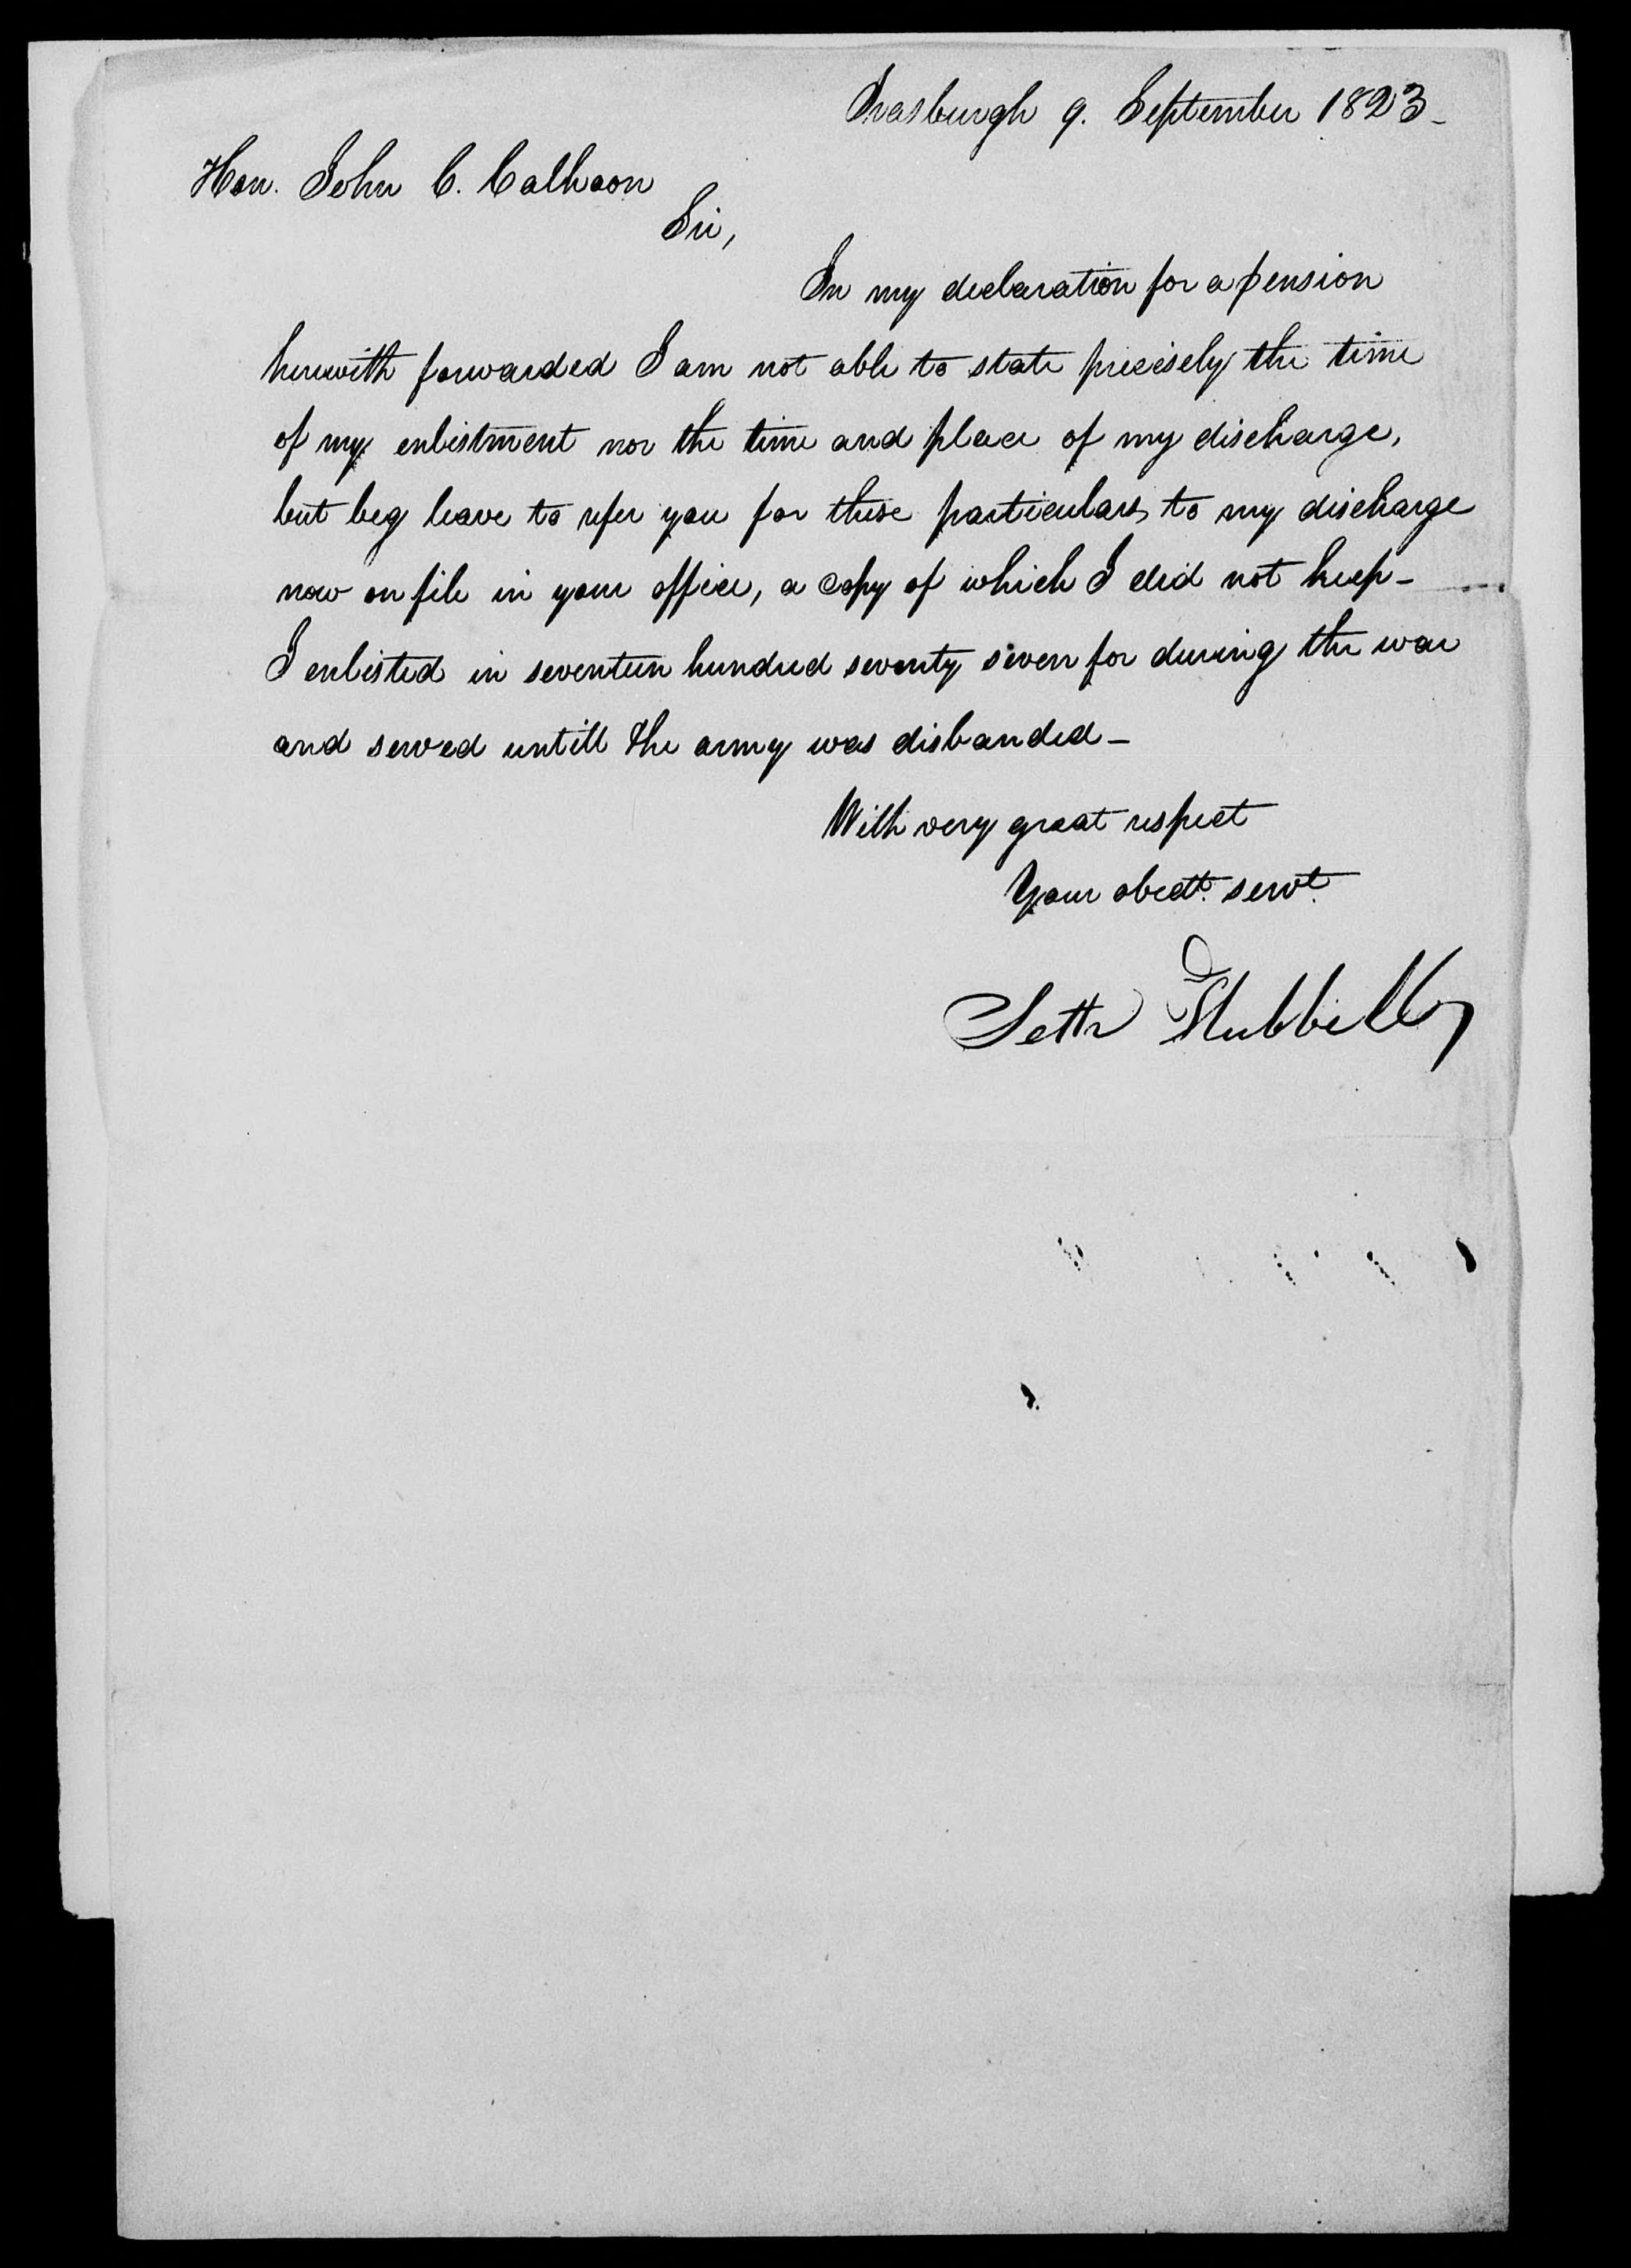Not legible first word    9. September 1823

Hon. John C. Calhoon

Sir, 
In my declaration for a pension herewith forwarded I am not able to state precisely the time of my enlistment nor the time and place of my discharge, but beg leave to refer you for the particulars, to my discharge now on file in your office, a copy of which I did not keep - I enlisted in seventeen hundred seventy seven for during the war and served untill the army was disbanded -

With very great respect
your obedt. servt.
Seth Hubbell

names: John C Calhoon, Seth Hubbell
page: 36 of 114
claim: widow's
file: W. 2115, Seth Hubbell, Conn.